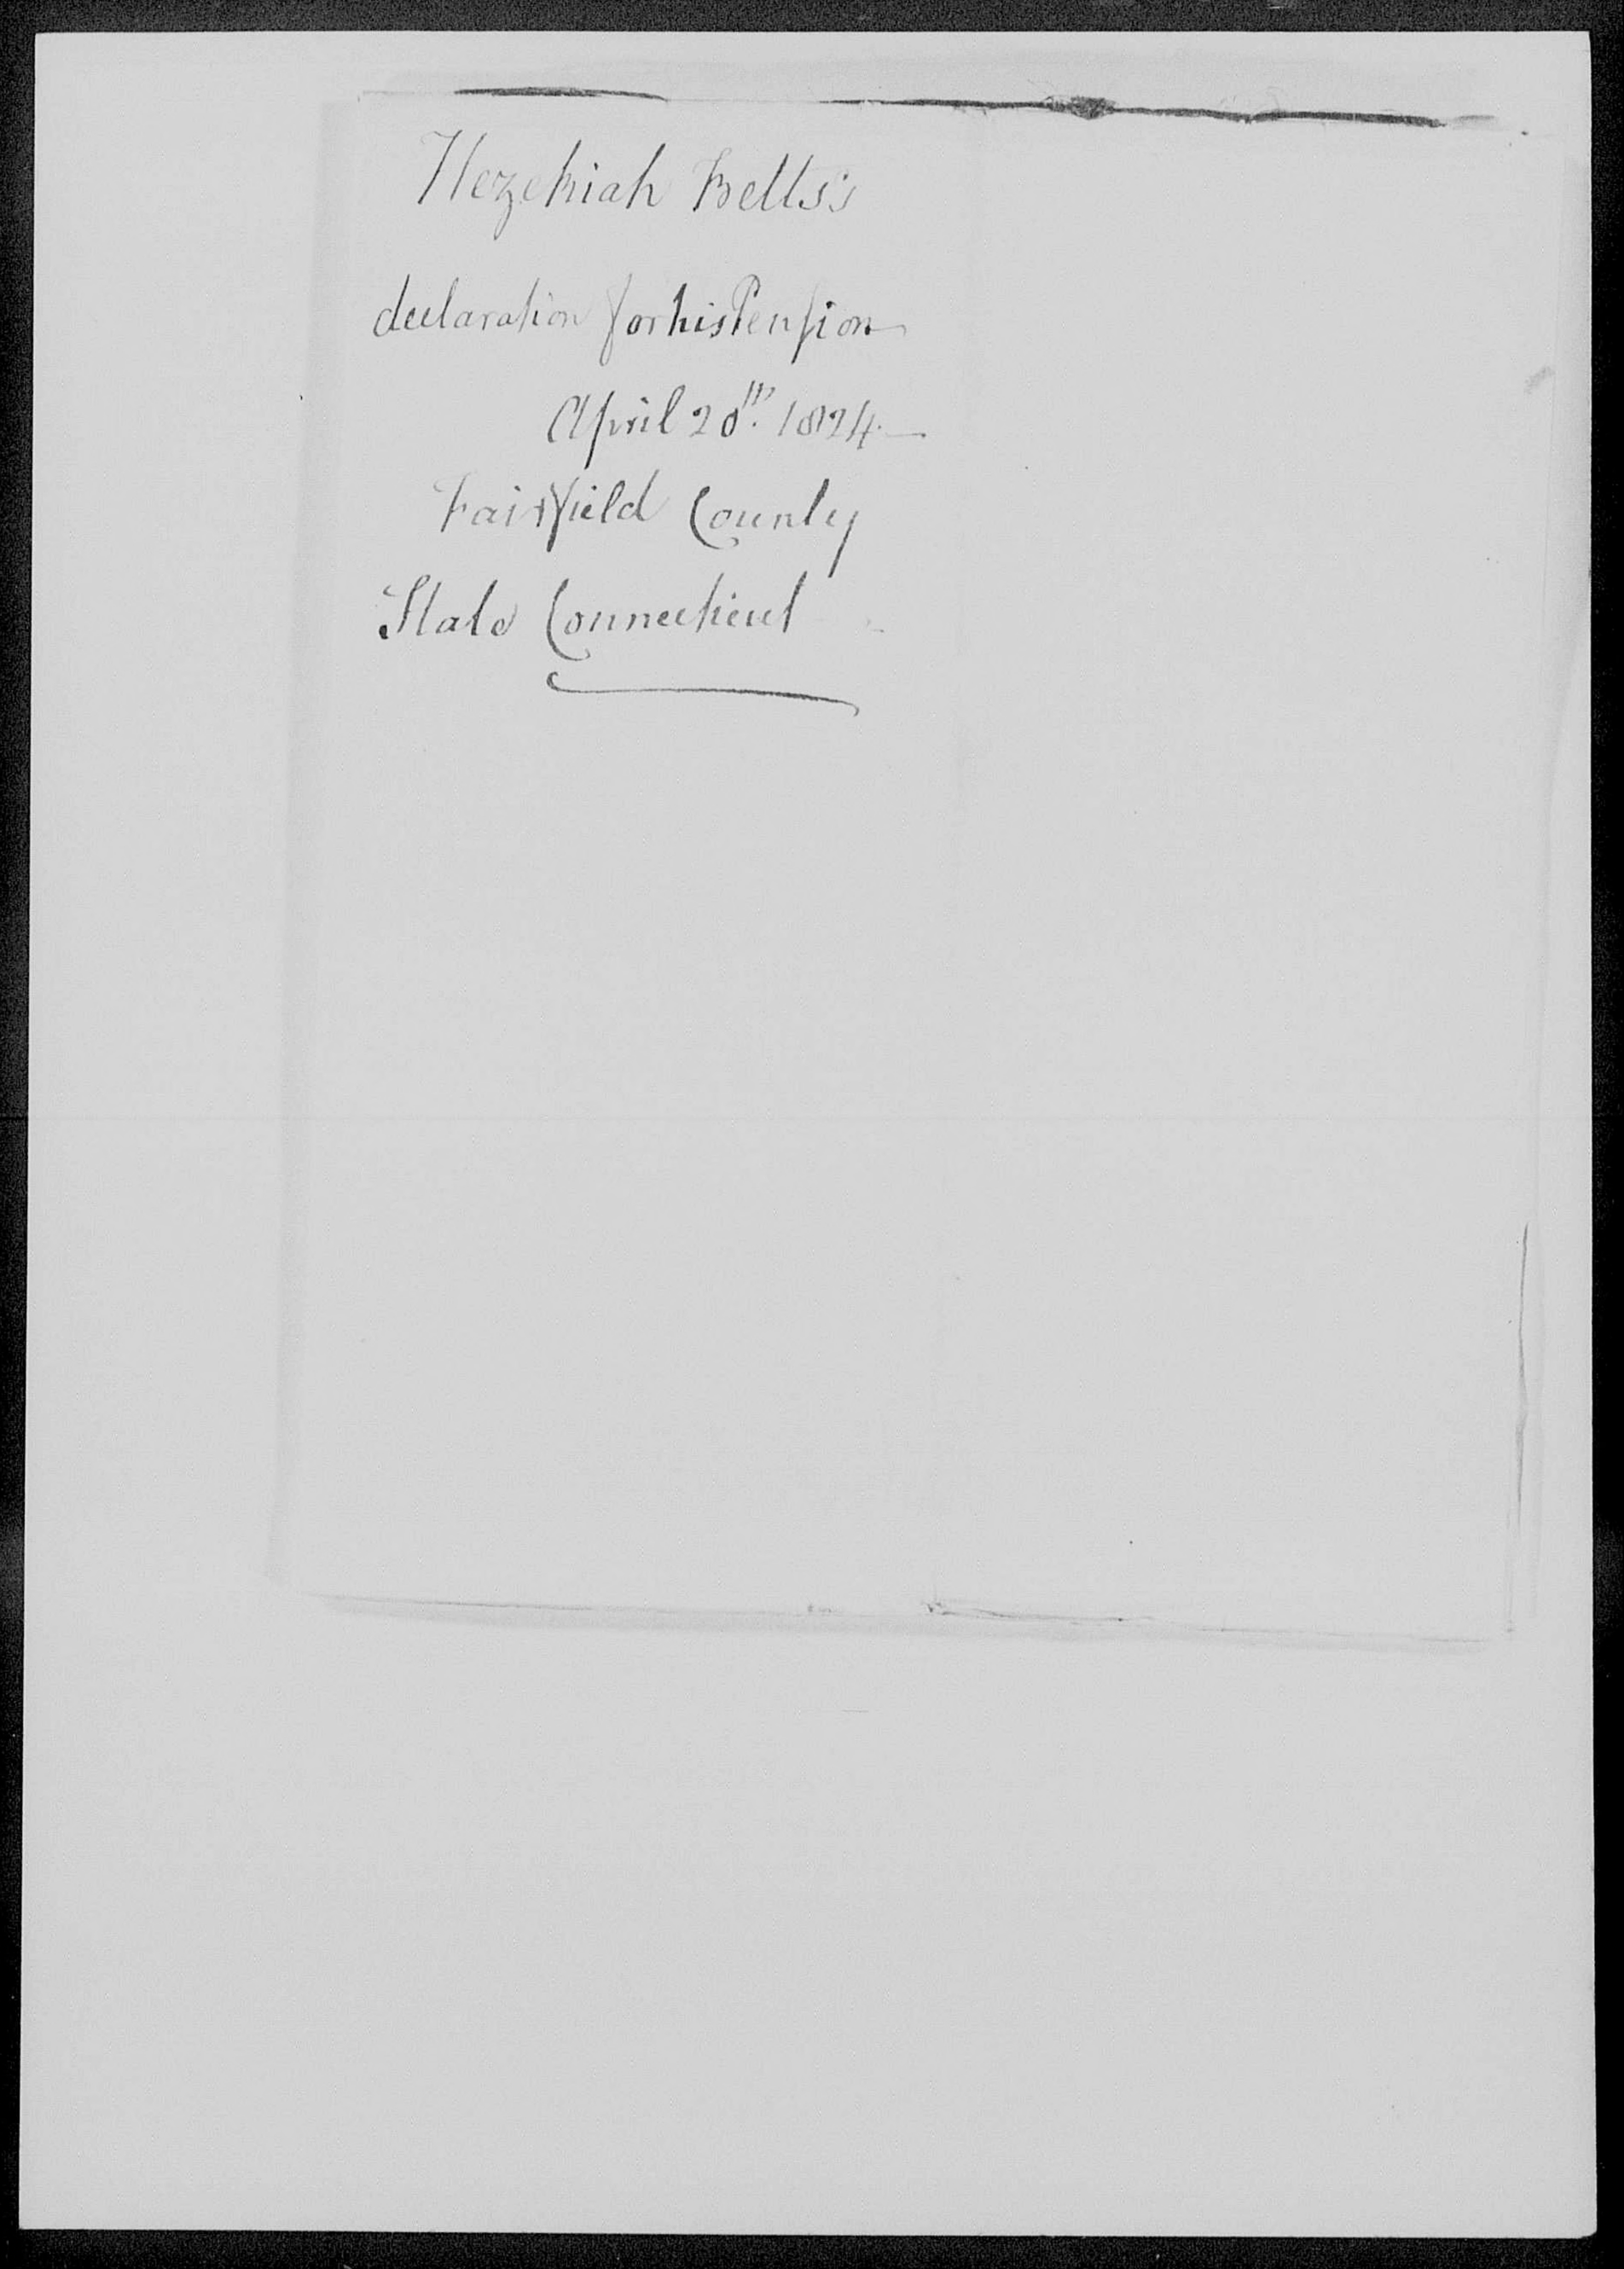Hezekiah Betts's
declaration for his Pension
April 20th 1824
Fairfield County
State Connecticut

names: Hezekiah Betts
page: 50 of 61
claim: widow's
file: W. 29,929, Hezekiah Betts, Conn.